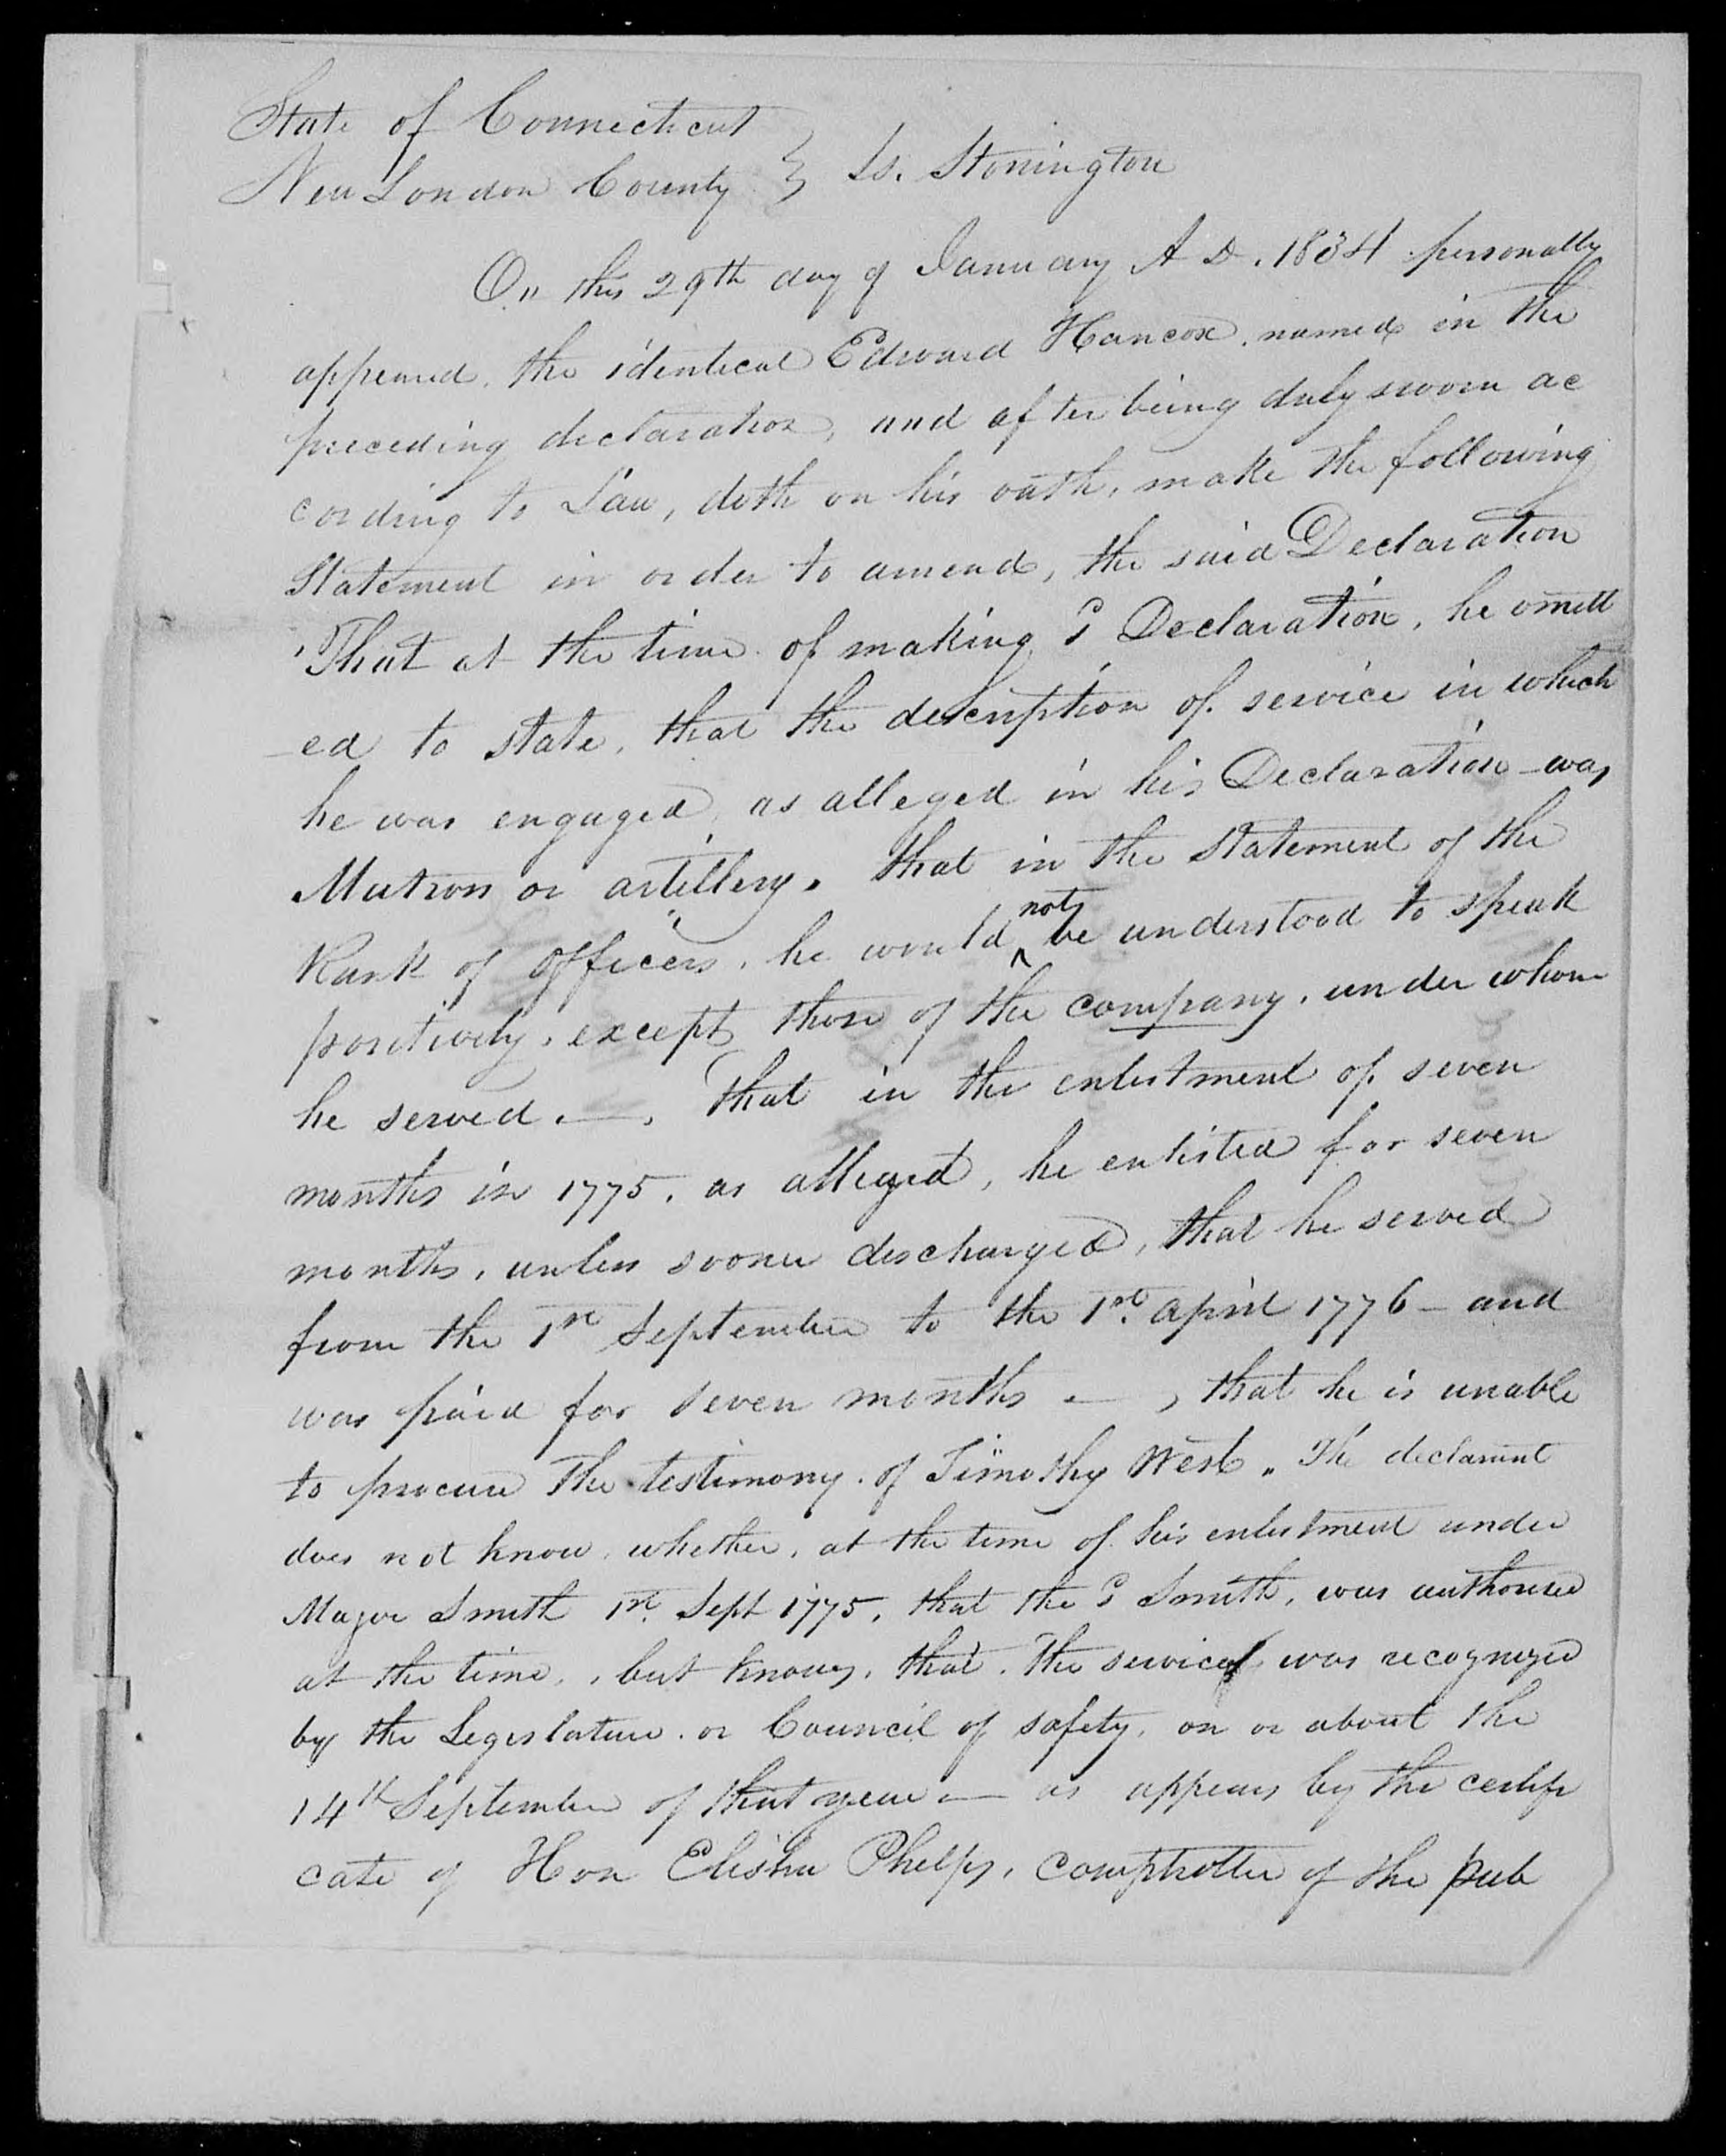State of Connecticut
New London County
JS. Stonington
On this 29th day of January A.D. 1834 personally
appeared the identical Edward Hancox, named in the preceding declaration, and after being duly sworn according to Law, doth on his oath, make the following Statement in order to amend, the said Declaration. That at the time of making sd. declaration, he omitted to state that the description of service in which he was engaged, as alleged in his Declaration was Matross or artillery.  That in the statement of the rank of officers, he would not be understood to speak
positively, except those of the company, under whom he served. That in the enlistment of seven
months in 1775. as alleged, he enlisted for seven
months, unless sooner discharged, that he served from the 1st September to the 1st April 1776 and was paid for seven months, that he is unable to procure the testimony of Timothy West. The declarant does not know, whether, at the time of his enlistment under Major Smith 1st Sept 1775, that the sd. Smith, was authorized
at the time, but knows, that the service was recognized by the Legislature of Council of safety, on or about the 14th September of that year as appears by the certificate of Hon Elisha Phelps, Comptrotter of the pub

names: Elisha Phelps, Smith, Timothy West, Edward Hancox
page: 14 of 26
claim: survivor's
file: S. 16843, Edward Hancox, Conn.